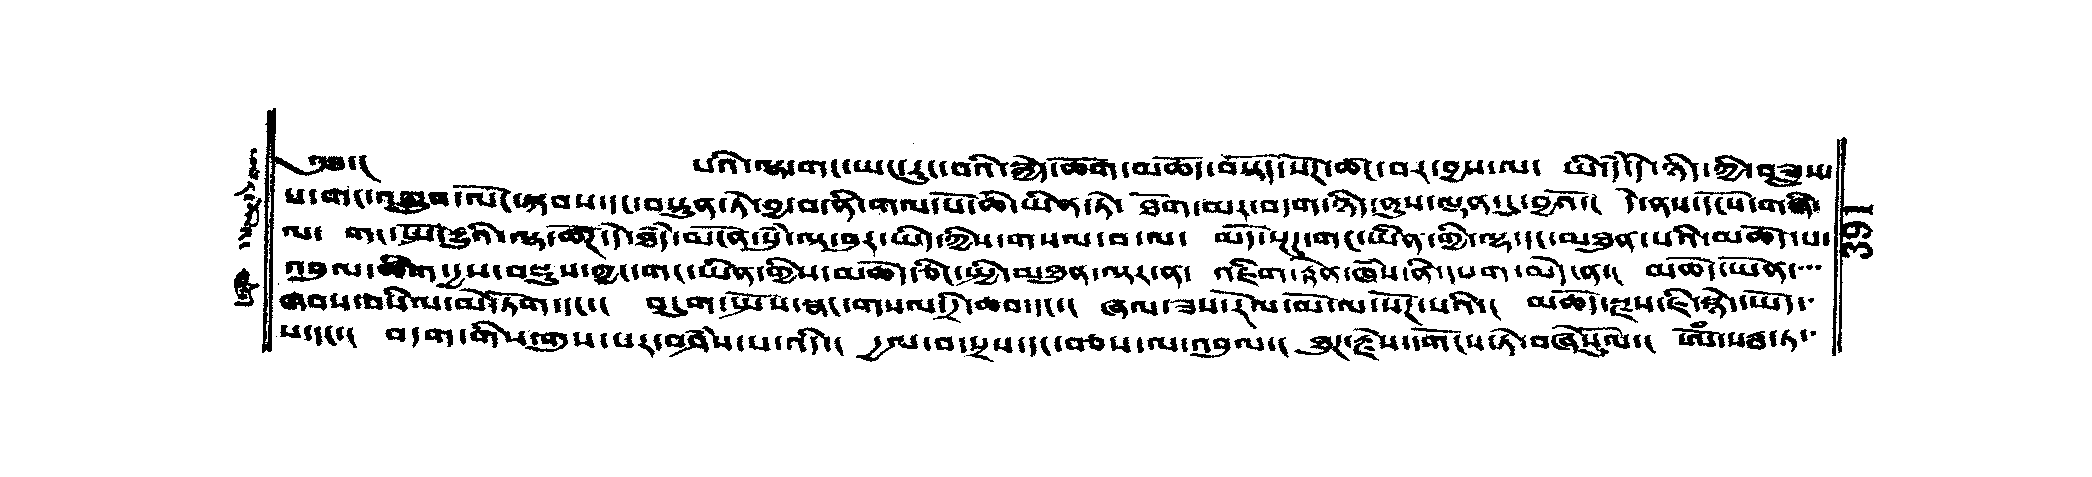ལྷག་པའི་ལྷ་གང་ཡང་རུང་བའི་སྐྱེད་ཆོག་མཆོད་བསྟོད་སོགས་ཚང་བར་བྱས་ལ། ཡི་དམ་དེ་ཉིད་ཀྱི་བཟླས་
པ་གང་འགྲུབ་ལོང་སྐབས་དང་བསྟུན་ཏེ་བྱ་བ་ནི་གལ་པོ་ཆེ་ཡིན་ཏེ། ཐོག་མར་བདག་ཉིད་ནུས་ལྡན་དུ་བྱའོ། དེ་ནས་དངོས་གཞི་
ལ། གང་སྤོང་རྒྱུའི་ལྷ་ཚོགས་དེ་ཐམས་ཅད་མངོན་སུམ་ལྟ་བུར་ཡིད་ཀྱིས་གསལ་བ་ལ། མདོ་སྔགས་གང་ཡིན་གྱི་ལྷ་དང་མཐུན་པའི་མཆོད་པ་
འབུལ་ཚིག་རྒྱས་བསྡུས་ཀྱང་གང་ཡིན་གྱིས་མཆོད་ཅིང་སྤྱི་མཐུན་ལྟར་ན། འཇིག་རྟེན་ཁམས་ནི་དཔག་མེད་ན། །མཆོད་ཡོན་
ཞབས་བསིལ་མེ་ཏོག་དང་། །བདུག་སྤོས་སྣང་གསལ་དྲི་ཆབ་དང་། །ཞལ་ཟས་རོལ་མོ་ལ་སོགས་པའི། །མཆོད་རྫས་ཇི་སྙེད་ཡོད་
པ་དང་། །བདག་གིས་གུས་པས་བཤམས་པ་འདི། །རྒྱལ་བ་སྲས་དང་བཅས་ལ་འབུལ། །ཐུགས་རྗེས་དགོངས་ཏེ་བཞེས་སུ་གསོལ། ཨོཾ་སརྦ་ཏ་